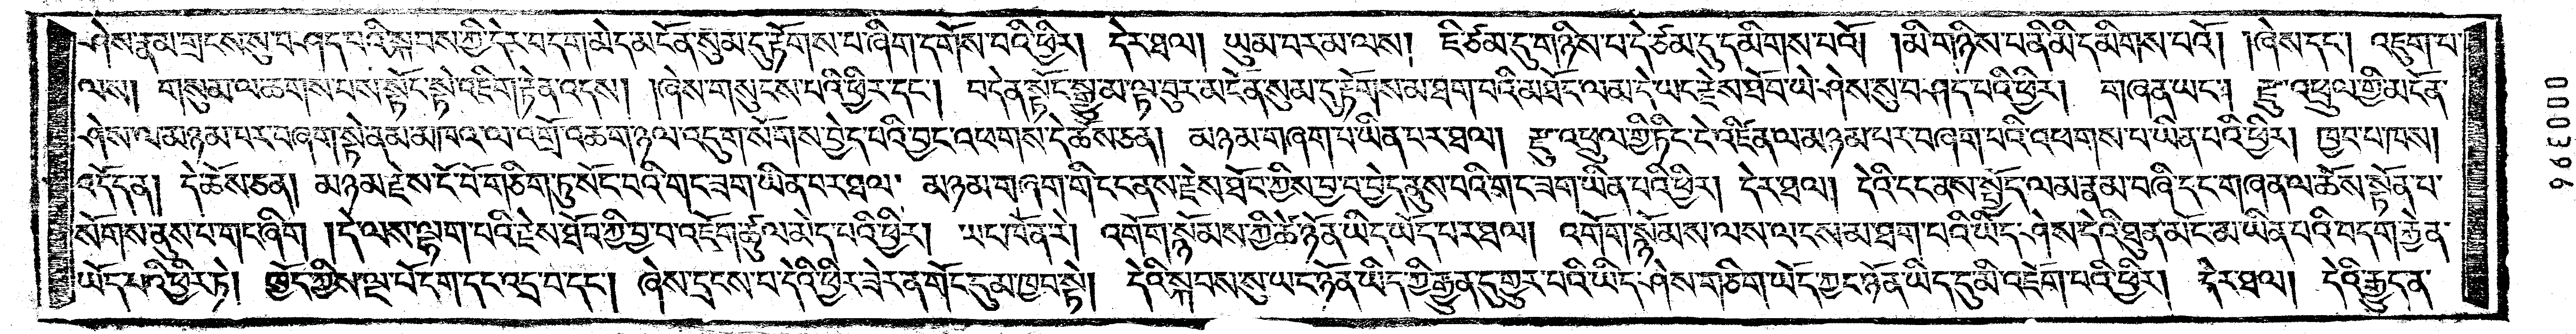ཤེས་རྣམ་གྲངས་སུ་བཤད་པའི་སྐབས་ཀྱི་དེར་བདག་མེད་མངོན་སུམ་དུ་རྟོགས་པ་ཞིག་དགོས་བའི་ཕྱིར། དེར་ཐལ། ཡུམ་པ་རམ་ལས། ཇི་ཙམ་དུ་གཉིས་པ་དེ་ཙམ་དུ་དམིགས་བའོ། །མི་གཉིས་པ་ནི་མི་དམིགས་པའོ། །ཞེས་དང་། འཇུག་པ་
ལས། གསུམ་ལ་ཆགས་པས་སྟོང་སྟེ་འཇིག་རྟེན་འདས། །ཞེས་གསུངས་པའི་ཕྱིར་དང་། བདེན་སྟོང་སྒྱུ་མ་ལྟ་བུར་མངོན་སུམ་དུ་རྟོགས་མ་ཐག་པའི་མཐོང་ལམ་དེ་ཡང་རྗེས་ཐོབ་ཡེ་ཤེས་སུ་བཤད་པའི་ཕྱིར། གཞན་ཡང་། རྫུ་འཕྲུལ་གྱི་མངོན་
ཤེས་ལ་མཉམ་པར་བཞག་སྟེ་ནམ་མཁའ་ལ་འགྲོ་འཚག་ཉལ་འདུག་སོགས་བྱེད་པའི་བྱང་འཕགས་དེ་ཆོས་ཅན། མཉམ་གཞག་པ་ཡིན་པར་ཐལ། རྫུ་འཕྲུལ་གྱི་ཏིང་ངེ་འཛིན་ལ་མཉམ་པར་བཞག་པའི་འཕགས་པ་ཡིན་པའི་ཕྱིར། ཁྱབ་པ་ཁས།
འདོད་ན། དེ་ཆོས་ཅན། མཉམ་རྗེས་ངོ་བོ་གཅིག་ཏུ་སོང་བའི་གང་ཟག་ཡིན་བར་ཐལ། མཉམ་གཞག་གི་ངང་ནས་རྗེས་ཐོབ་ཀྱིས་བྱ་བ་བྱེད་ནུས་པའི་གང་ཟག་ཡིན་པའི་ཕྱིར། དེར་ཐལ། དེའི་ངང་ནས་སྤྱོད་ལམ་རྣམ་བཞི་དང་གཞན་ལ་ཆོས་སྟོན་པ་
སོགས་ནུས་པ་གང་ཞིག །དེ་ལས་ལྷག་པའི་རྗེས་ཐོབ་ཀྱི་བྱ་བ་འཇོག་ཚུལ་མེད་བའི་ཕྱིར། ཡང་ཁོ་ན་རེ། འགོག་སྙོམས་ཀྱི་ཚེ་ཉོན་ཡིད་ཡོད་པར་ཐལ། འགོག་སྙོམས་ལས་ལངས་མ་ཐག་པའི་ཡིད་ཤེས་དེའི་ཐུན་མོང་མ་ཡིན་པའི་བདག་རྐྱེན་
ཡོད་པའི་ཕྱིར་ཏེ། ཁྱོད་ཀྱིས་ལྔ་པ་ངག་དང་འདྲ་བ་དང་། ཞེས་དྲངས་པ་དེའི་ཕྱིར་ཟེར་ན་གོང་དུ་མ་ཁྱབ་སྟེ། དེའི་སྐབས་སུ་ཡང་ཉོན་ཡིད་ཀྱི་རྒྱུན་དུ་གྱུར་བའི་ཡིད་ཤེས་གཅིག་ཡོད་ཀྱང་ཉོན་ཡིད་དུ་མི་འཇོག་པའི་ཕྱིར། དེར་ཐལ། དེའི་རྒྱུད་ན་